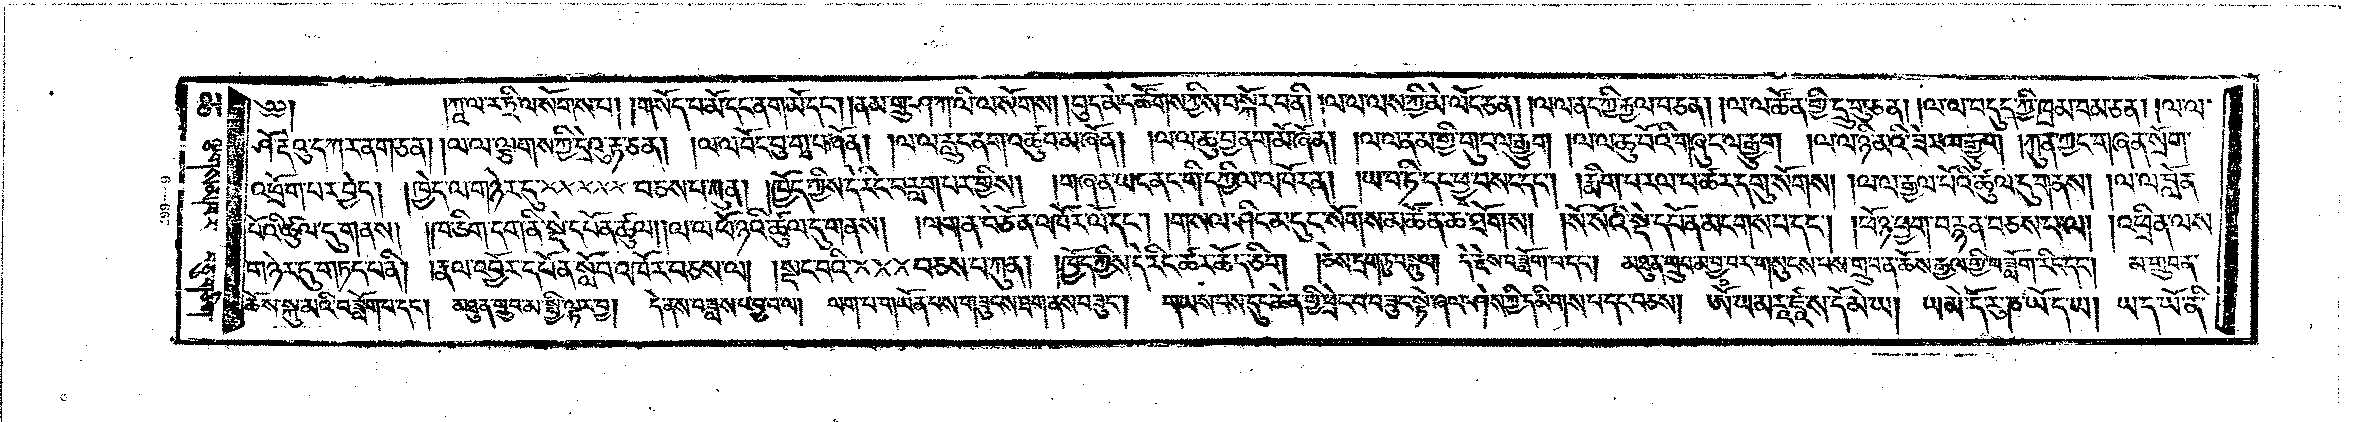༄༅། །ཀཱ་ལ་ར་ཏྲི་ལ་སོགས་པ། །གསོད་བ་མོ་དང་ནག་མོད་དང་། །ནམ་གྲུ་ཤ་ཀ་ལི་ལ་སོགས་།བུད་མེད་ཚོགས་ཀྱིས་བསོར་བ་ཨི། །ལ་ལ་ལས་ཀྱི་མེ་ལོང་ཅན། །ལ་ལ་ནང་ཀྱི་རྐྱལ་པ་ཅན། །ལ་ལ་ཚོན་གྱི་དྲུ་གུ་ཅན། །ལ་ལ་བདུད་ཀྱི་ཁྲམ་བམ་ཅན། །ལ་ལ་
ཤོ་རྡེའུ་དཀར་ནག་ཅན། །ལ་ལ་ལྕགས་ཀྱི་དྲེའུ་རྟ་ཅན། །ལ་ལ་བོང་བུ་གྭ་བཞོན། །ལ་ལ་རླུང་ནག་འཚུབ་མ་ཞོན། །ལ་ལ་ཆུ་བྱ་ནག་མོ་ཞོན། །ལ་ལ་ནམ་གྱི་གུང་ལ་རྒྱུག །ལ་ལ་ཆུ་བོའི་གཞུང་ལ་རྒྱུག །ལ་ལ་ཉི་མའི་ཟེར་ལ་རྒྱུར། །ཀུན་ཀྱང་གཞན་སྲོག་
འཕྲོག་པར་བྱེད། །ཁྱེད་ལ་གཉེར་དུ྾་྾་྾་྾་྾་བཅས་པ་ཀུན། །ཁྱོད་ཀྱིས་དེ་རིང་བརླག་པར་གྱིས། །གཞན་ཡང་ནང་གི་དཀྱིལ་འཁོར་ན། །ཡ་བ་ཏི་དང་ཕྱྭ་བསང་དང་། །རྨིག་པ་རལ་པ་ཚར་དགུ་སོགས་།ལ་ལ་རྒྱལ་པོའི་ཚུལ་དུ་གནས། །ལ་ལ་བློན་
པོའི་ཚུལ་དུ་གནས། །ཁ་ཅིག་དག་ནི་སྡེ་དཔོན་ཚུལ། །ལ་ལ་ཕོ་ཉའི་ཚུལ་དུ་གནས། །ལག་ན་བེ་ཅོ་ན་འཁོར་ལོ་དང་། །གསལ་ཤིང་མདུང་སོགས་མཚོན་ཧ་ཐོགས། །སོ་སོའི་སྡེ་དཔོན་མངགས་པ་དང་། །ཕོ་ཉ་ཕག་བརྙན་བཅས་པ་ལ། །འཕྲིན་ལས་
གཉེར་དུ་གཏད་པ་ནི། །རྣལ་འབྱོར་དཔོན་སློབ་འཁོར་བཅས་ལ། །སྡང་བའི྾་྾་྾་བཅས་པ་ཀུན། །ཁྱོད་ཀྱི་དེ་རིང་ཚར་ཆོད་ཅིག །ཅེས་དྲག་ཏུ་བསྐུལ། དེ་རྗེས་བཟློག་པ་དང་། མཐུན་གྲུབ་མ་བྱ་བར་གསུངས་པས་གྲུབ་ན་ཆོས་རྒྱལ་གྱི་ལ་ཟློག་རིང་དང་། མ་གྲུབ་ན་
ཆོས་སྐུ་མའི་བཟློག་པ་དང་། མཐུན་གྲུབ་མ་སྤྱི་ལྟར་བྱ། དེ་ནས་བཟླས་པ་བྱ་བ་ལ། ལག་པ་གཡོན་པས་གཟུངས་ཐག་ནས་བཟུང་། གཡས་པས་དུང་ཆེན་གྱི་ཕྲེང་བ་བཟུངས་ཏེ་ཞལ་ཤེས་ཡི་དམིགས་པ་དག་བཅས། ཨོཾ་ཡ་མ་རཱ་ཛཱ་ས་དོ་མེ་ཡ། ཡ་མེ་དོ་རུ་ཎ་ཡོད་ཡ། ཡ་ད་ཡོ་ནི་